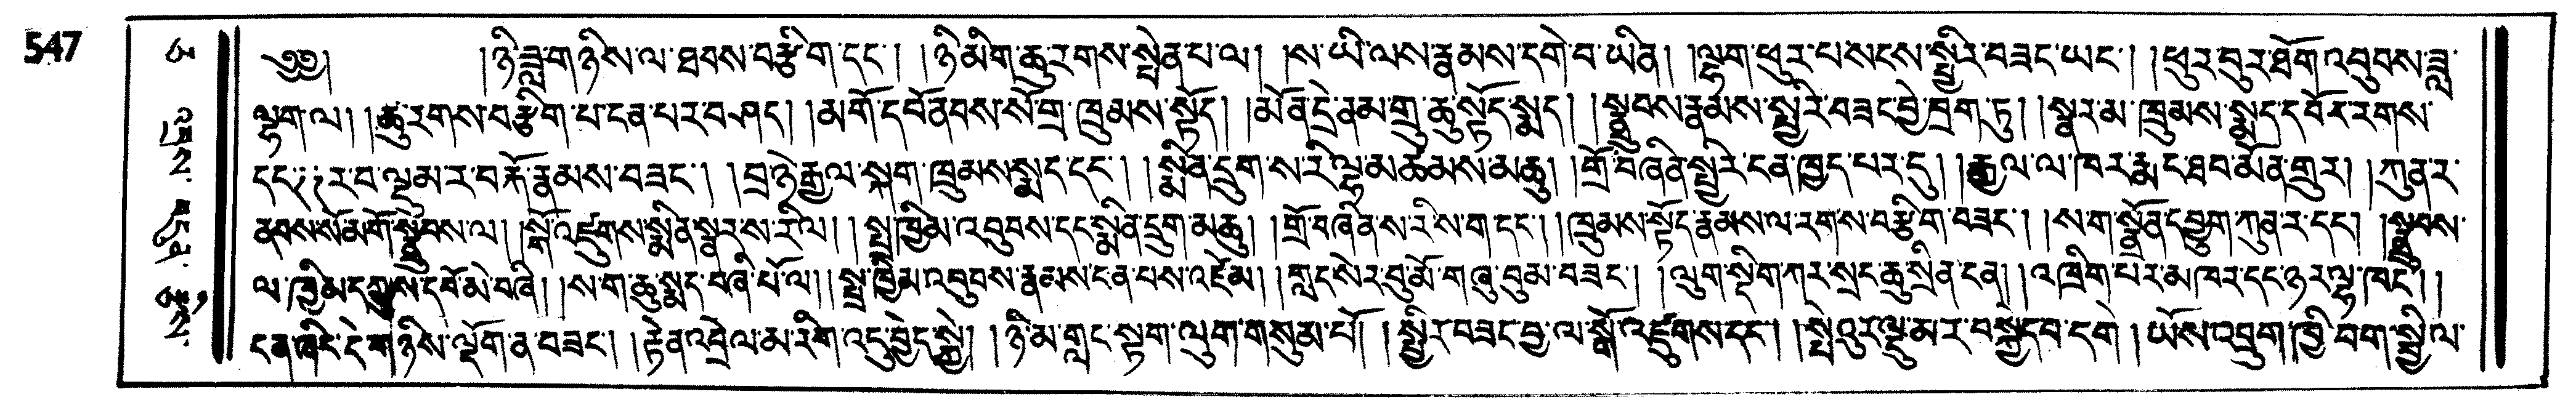༄༅། །ཉི་ཟླ་གཉིས་ལ་ཐབས་བརྩིག་དང་། །ཉི་མིག་ཆུ་རགས་སྤེན་པ་ལ། །ས་ཡི་ལས་རྣམས་དགེ་བ་ཡིན། །ལྷག་ཕུར་པ་སངས་སྤྱིར་བཟང་ཡང་། །ཕུར་བུར་ཐོག་འབུབས་ཟླ་
ལྷག་ལ། །ཆུ་རགས་བརྩིག་པ་ངན་པར་བཤད། །མགོ་དབོན་བས་སོ་གྲ་ཁྲུམས་སྟོད། །མོན་དྲེ་ནམ་གྲུ་ཆུ་སྟོད་སྨད། །སྣུབས་རྣམས་སྤྱིར་བཟང་བྱེ་བྲག་ཏུ། །སྣར་མ་ཁྲུམས་སྨད་དབོར་རགས་
དང༑ ༑ར་བ་ལྡུམ་ར་བརྐོད་རྣམས་བཟང་། །བྲ་ཉེ་རྒྱལ་སྐག་ཁྲུམས་སྨད་དང་། །སྨིན་དྲུག་ས་རི་ལྷ་མཚམས་མཆུ། །གྲོ་བཞིན་སྤྱིར་ངན་ཁྱད་པར་དུ། །རྒྱལ་ལ་ཁར་རྨང་ཐབ་མོན་གྱུར།། །ཀུན་ར་
ནབས་སོ་མགོ་སྣུབས་ལ། །སྒོ་འཛུགས་སྨིན་སྣ་ར་ས་རིལ། །སྤྲ་ཁྱིམ་འབུབས་དང་སྨིན་དྲུག་མཆུ། །གྲོ་བཞིན་ས་རི་ས་ག་དང་། །ཁྲུམས་སྟོད་རྣམས་ལ་རག་ས་བརྩིག་བཟང་། །ས་ག་སྣྲོན་དང་དབྱུག་ཀུན་ར་དང་། །སྣུབས་
ལ་ཁྱིམ་དྑྱུས་དབོ་མེ་བཞི། །ས་ག་ཆུ་སྨད་བཞི་པོ་ལ། །སྤྲ་ཁྱིམ་འབུབས་རྣམས་ངན་པས་འཛེམ། །གླང་སེར་བུ་མོ་གཞུ་བུམ་བཟང་། །ལུག་སྡིག་ཀར་སྲང་ཆུ་སྲིན་ངན། །འཁྲིག་པར་མཁར་དང་ཉར་ལྷ་ཁང་། །
ངན་ཞིང་དེ་གཉིས་ལྡོག་ན་བཟང་། །རྟེན་འབྲེལ་མ་རིག་འདུ་བྱེད་སྐྱེ། །ཉི་མ་གླང་སྟག་ལུག་གསུམ་པོ། །སྤྱིར་བཟང་བྱ་ལ་སྒོ་འཛུགས་དང་། །སྤེའུར་ལྡུ་མར་བསྐྱེད་བ་དགེ །ཡོས་འབྲུག་ཁྱི་བག་སྦྱི་ལ་